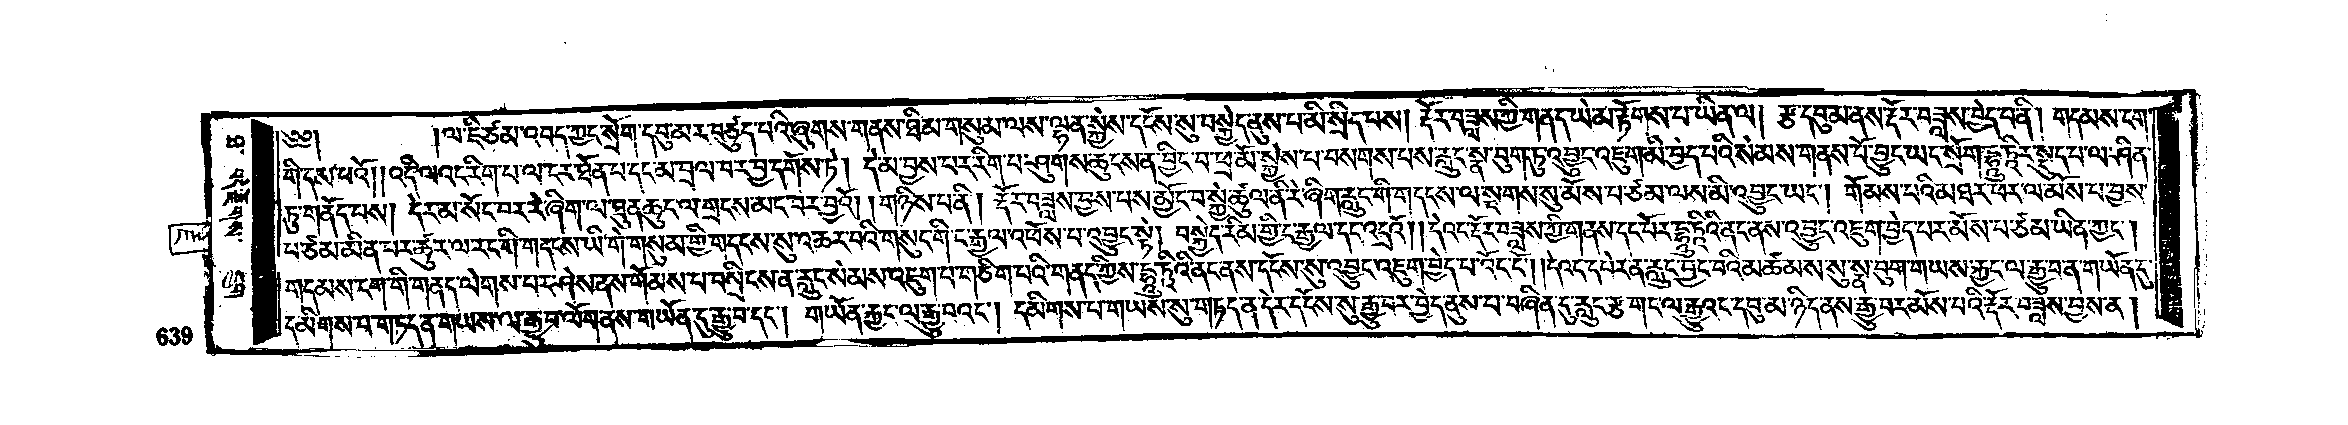༄༅། །ལ་ཇི་ཙམ་འབད་ཀྱང་སྲོག་དབུ་མར་བཙུད་པའི་ཞུགས་གནས་ཐིམ་གསུམ་ལས་ལྷན་སྐྱེས་དངོས་སུ་བསྐྱེད་ནུས་པ་མི་སྲིད་པས། རྡོར་བཟླས་ཀྱི་གནད་ཡེ་མ་རྟོགས་པ་ཡིན་ལ། རྩ་དབུ་མ་ནས་རྡོར་བཟླས་བྱེད་པ་ནི། གདམས་ངག་
གི་དམ་པའོ། །འདི་ལའང་རིག་པ་ལ་ངར་ཐོན་པ་དང་མ་བྲལ་བར་བྱ་དགོས་ཏེ། དེ་མ་བྱས་པར་རིག་པ་ཤུགས་ཆུངས་ན་བྱིང་བ་ཕྲ་མོ་སྐྱེས་པ་བསགས་པས་རླུང་སྣ་བུག་ཏུ་འབྱུང་འཇུག་མི་བྱེད་པའི་སེམས་གནས་པོ་བྱུང་ཡང་སྲོག་དྷཱུ་ཏཱིར་སྡུད་པ་ལ་ཤིན་
ཏུ་གནོད་པས། དེར་མ་སོང་བར་རེ་ཞིག་ལ་ཐུན་ཆུང་ལ་གྲངས་མང་བར་བྱའོ། །གཉིས་པ་ནི། རྡོར་བཟླས་བྱས་པས་མྱོང་བ་སྐྱེ་ཚུལ་ནི་རེ་ཞིག་རླུང་གི་གདངས་ལ་སྔགས་སུ་མོས་པ་ཙམ་ལས་མི་འབྱུང་ཡང་། གོམས་པའི་མཐར་ཕར་ལ་མོས་པ་བྱས་
པ་ཙམ་མིན་པར་ཚུར་ལ་རང་གི་གདངས་ཡི་གེ་གསུམ་གྱི་གདངས་སུ་འཆར་བའི་གསུང་གི་ང་རྒྱལ་འཕོས་པ་འབྱུང་སྟེ། བསྐྱེད་རིམ་གྱི་ང་རྒྱལ་དང་འདྲའོ། །དེའང་རྡོར་བཟླས་ཀྱི་གནས་དང་པོར་དྷཱུ་ཏཱིའི་ནང་ནས་འབྱུང་འཇུག་བྱེད་པར་མོས་པ་ཙམ་ཡིན་ཀྱང་།
གདམས་ངག་གི་གནད་ལེགས་པར་ཤེས་ནས་གོམས་པ་བསྲིངས་ན་རླུང་སེམས་འཇུག་པ་གཅིག་པའི་གནད་ཀྱིས་དྷཱུ་ཏཱིའི་ནང་ནས་དངོས་སུ་འབྱུང་འཇུག་བྱེད་པ་འོང་ངོ། །དེའང་དཔེར་ན་རླུང་བྱང་བའི་མཚམས་སུ་སྣ་བུག་གཡས་རྐྱང་ལ་རྒྱུ་བ་ན་གཡོན་དུ་
དམིགས་པ་གཏད་ན་གཡས་ལ་རྒྱུ་བ་ལོག་ནས་གཡོན་དུ་རྒྱུ་བ་དང་། གཡོན་རྐྱང་ལ་རྒྱུ་བའང་། དམིགས་པ་གཡས་སུ་གཏད་ན་དེར་དངོས་སུ་རྒྱུ་བར་བྱེད་ནུས་པ་བཞིན་དུ་རླུང་རྩ་གང་ལ་རྒྱུའང་དབུ་མ་ཉིད་ནས་རྒྱུ་བར་མོས་པའི་རྡོར་བཟླས་བྱས་ན།